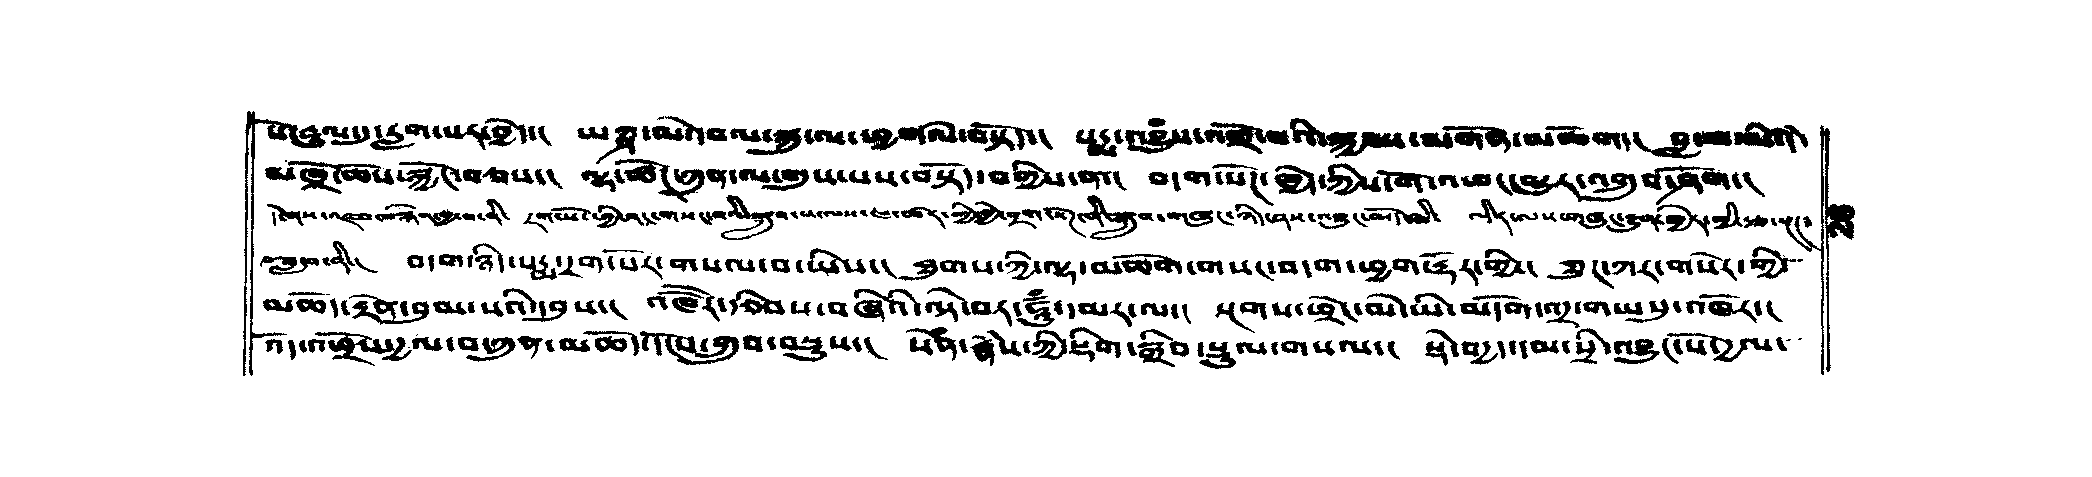པོ་རྡུལ་དུ་རླག་པར་བྱེད། །ཡཀྴ་མེ་དབལ་སྐུ་ལ་ཕྱག་འཚལ་བསྟོད། །པདྨ་འབྱུང་གནས་འགྲོ་བའི་སྐྱབས་མགོན་མཆོག་བླ་མ་ཡི་དམ་
མཁའ་འགྲོ་ཆོས་སྐྱོང་བཅས། །ལྷ་ཚོགས་ཀུན་ལ་གུས་པས་བསྟོད་བགྱིས་ན། །བདག་སོགས་་ཁྱེད་ཀྱིས་གོ་འཕང་མྱུར་འགྲུབ་ཤོག་
དེ་ནས་འཛབ་བསྙེན་བྱ་བ་ནི། དྲག་གཡོ་ཕྱི་ནང་གསང་བའི་སྒྲུབ་པ་ལས་ཁ་ཚར་གྱི་བྱེ་བྲག་སོགས་ནི་སྒྲུབ་གཞུང་ཉིད་ནས་འབྱུང་མོད་ཀྱི། འདིར་ལས་གཞུང་རྒྱུན་ཁྱེར་གྱི་རྩ་སྔགས་
བཟླ་བ་ནི། བདག་ཉིད་པདྨ་དྲག་པོར་གསལ་བ་ཡིས། །ཐུགས་ཀྱི་ལྷ་མཆོག་གསང་བདག་ཕྱག་རྡོར་གྱི། །ཐུགས་ཀར་གསེར་གྱི་
མཆོད་རྟེན་བུམ་པའི་དབུས། །འཁོར་ལོ་རྩིབས་བཞིའི་ལྟེ་བར་ཧཱུྃ་དམར་ལ། །སྔགས་ཕྲེང་མེ་ཡི་མདོག་འདྲ་གཡས་སུ་འཁོར། །
འོད་འཕྲོས་རྒྱལ་བཀུན་མཆོད་དངོས་གྲུབ་བསྡུས། །སེམས་ཅན་རྣམས་ཀྱི་སྡིག་སྒྲིབ་སྡུག་བསྔལ་གསལ། །སྡེ་བརྒྱད་དམ་སྲི་འབྱུང་པོ་རྒྱལ་